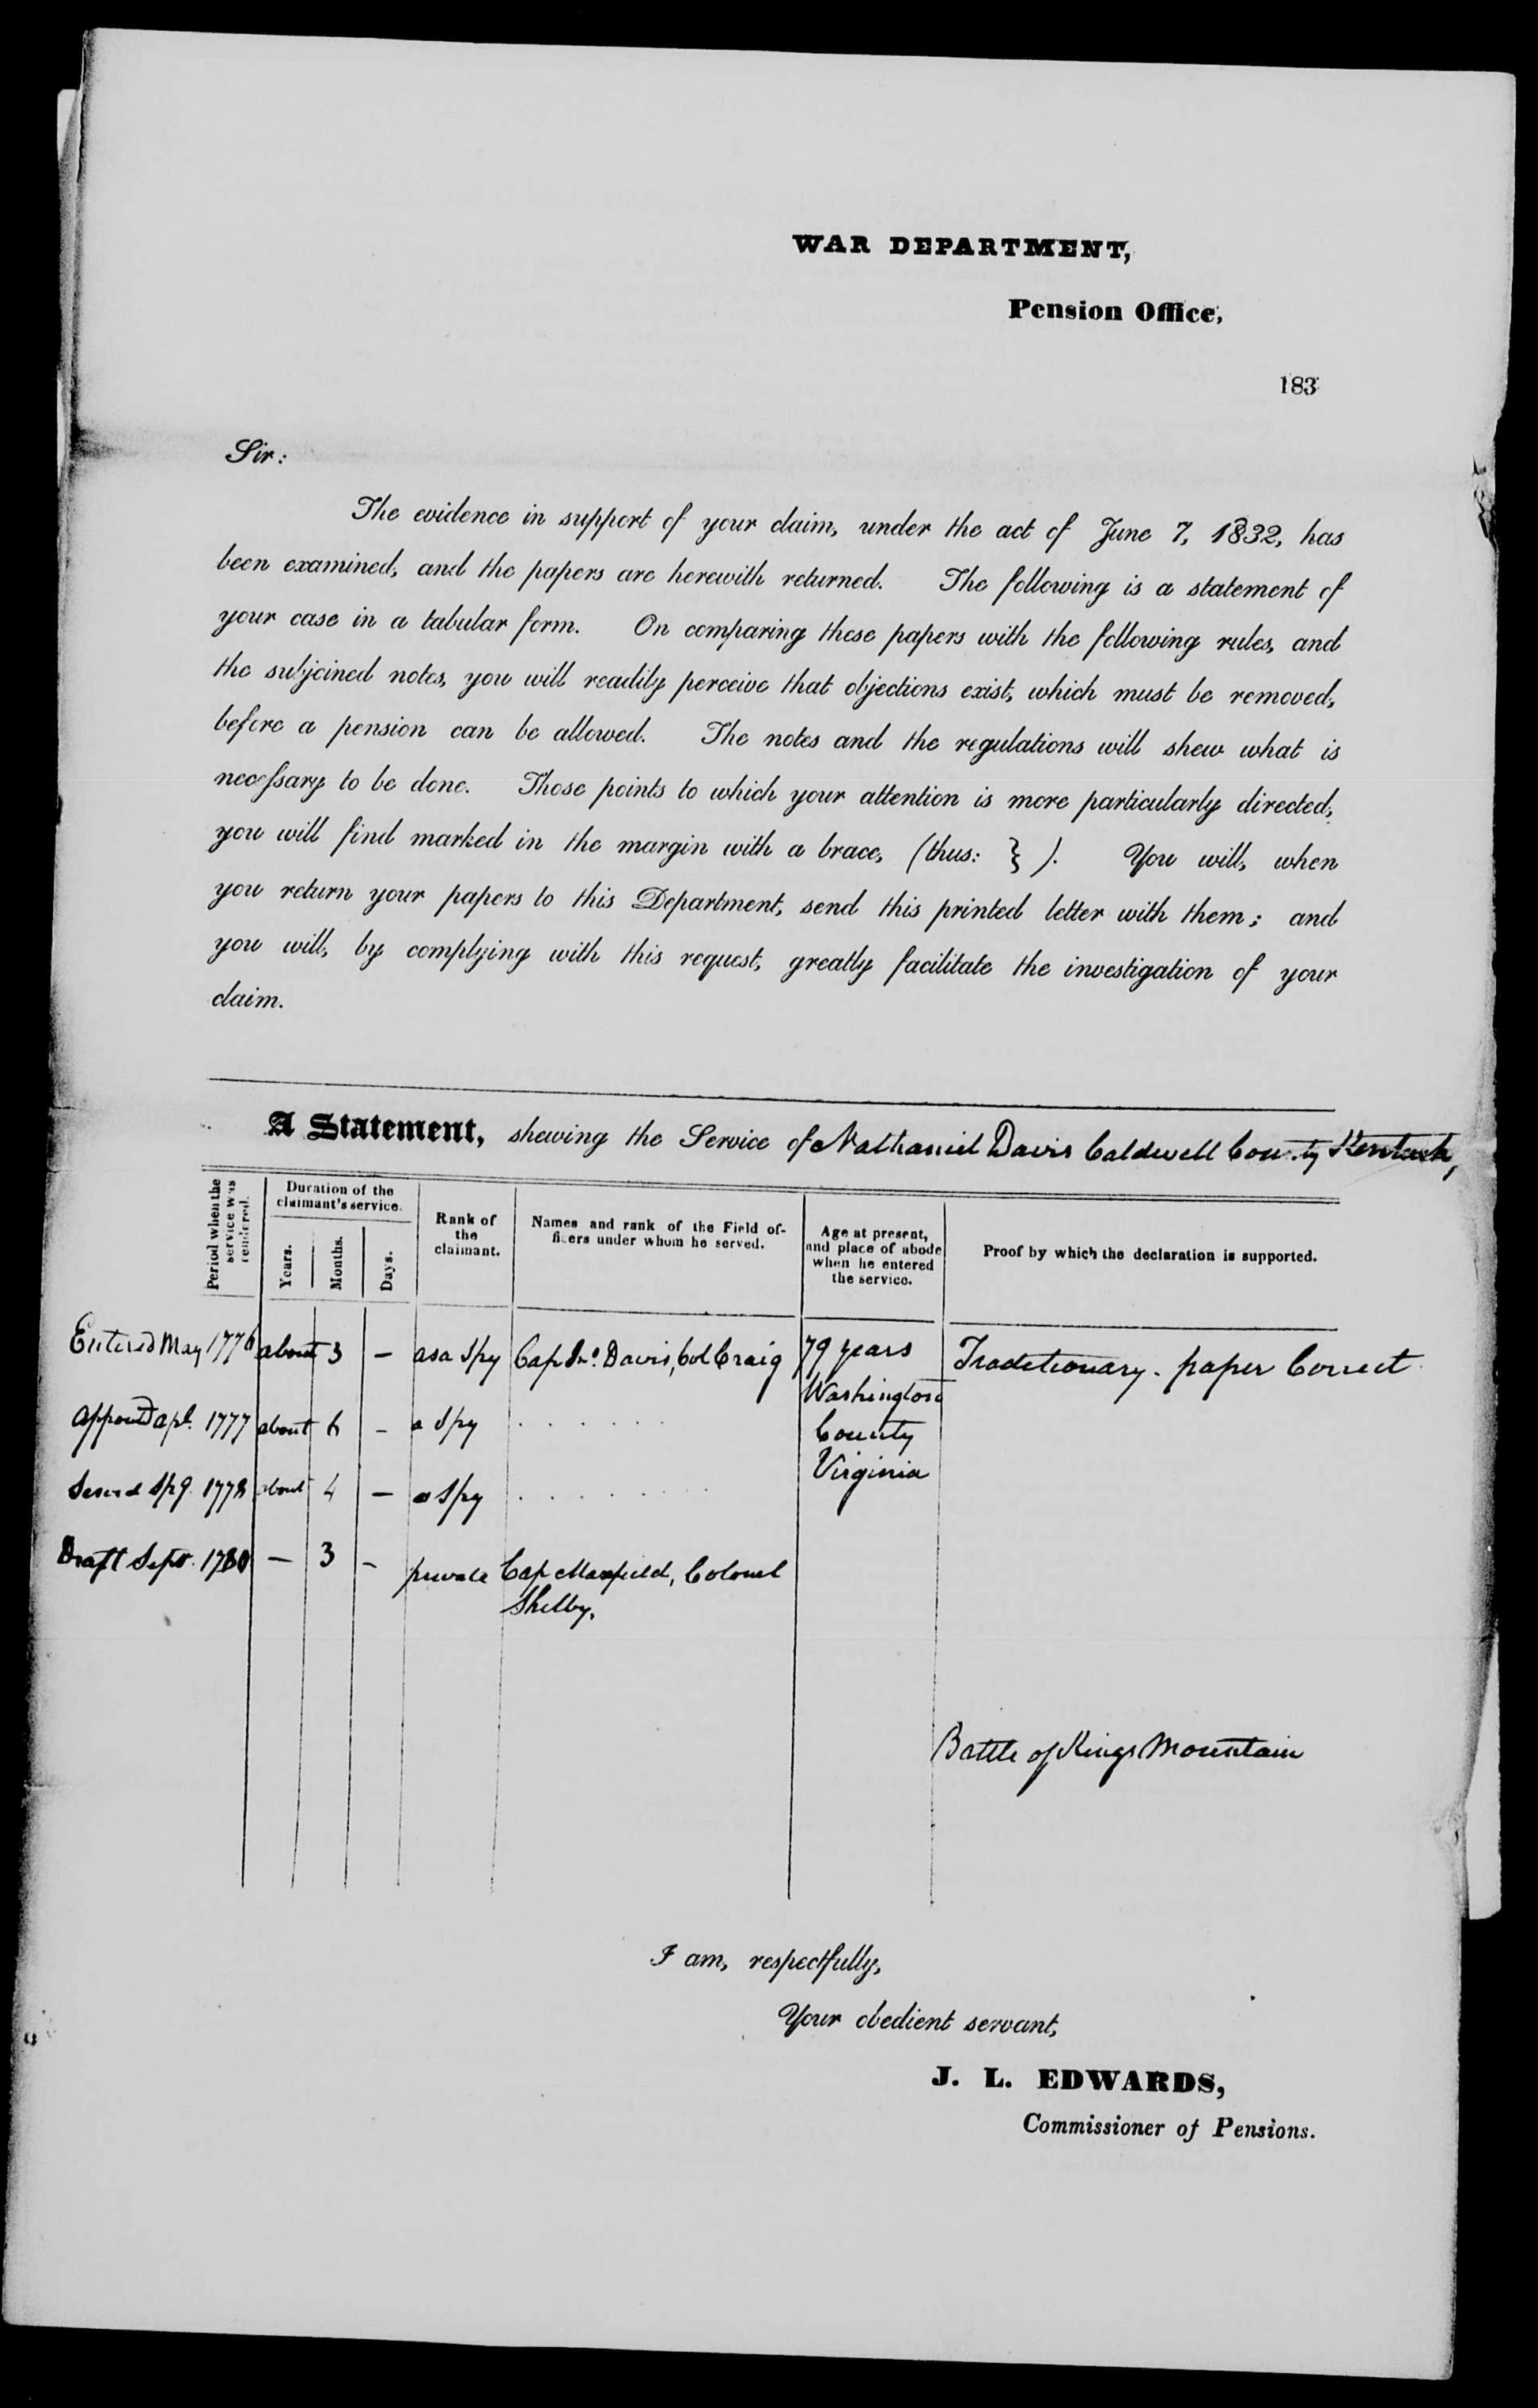WAR DEPARTMENT,
Pension Office,

Sir:
The evidence in support of your claim, under the act of June 7, 1832, has been examined, and the papers are herewith returned. The following is a statement of your case in a tabular form. On comparing these papers with the following rules, and the subjoined notes, you will readily perceive that objections exist, which must be removed, before a pension can be allowed. The notes and the regulations will show what is necessary to be done. Those points to which your attention is more particularly directed, you will find marked in the margin with a brace, (thus: }). You will, when you return your papers to this Department, send this printed letter with them; and you will, by complying with this request, greatly facilitate the investigation of your claim.

A Statement, showing the Service of Nathaniel Davis Caldwell County Kentucky
Period when the service was rendered.
Entered May 1776
appointed Apl. 1777
Served spg. 1778
Draft Sept. 1780
Duration of the claimant’s service. Years. Months. Days.
about 3 months
about 6 months
about 4 months
3 months
Rank of the claimant.
as a spy
a spy
a spy
private
Names and rank of the Field officers under whom he served.
Capt Jno. Davis, Col Craig
...
...
Cap Maxfield, Colonel Shelby
Age at present, and place of abode when he entered the service.
79 years
Washington County Virginia
Proof by which the declaration is supported.
Traditionary - paper Correct

Battle of Kings Mountain

I am, respectfully,
Your obedient servant,
JAMES L. EDWARDS,
Commissioner of Pensions.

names: Macfield, J L Edwards, Craig, Nathaniel Davis, Davis, Shelby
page: 8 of 18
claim: survivor's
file: S. 30,366, Nathaniel Davis, N.C. Va.